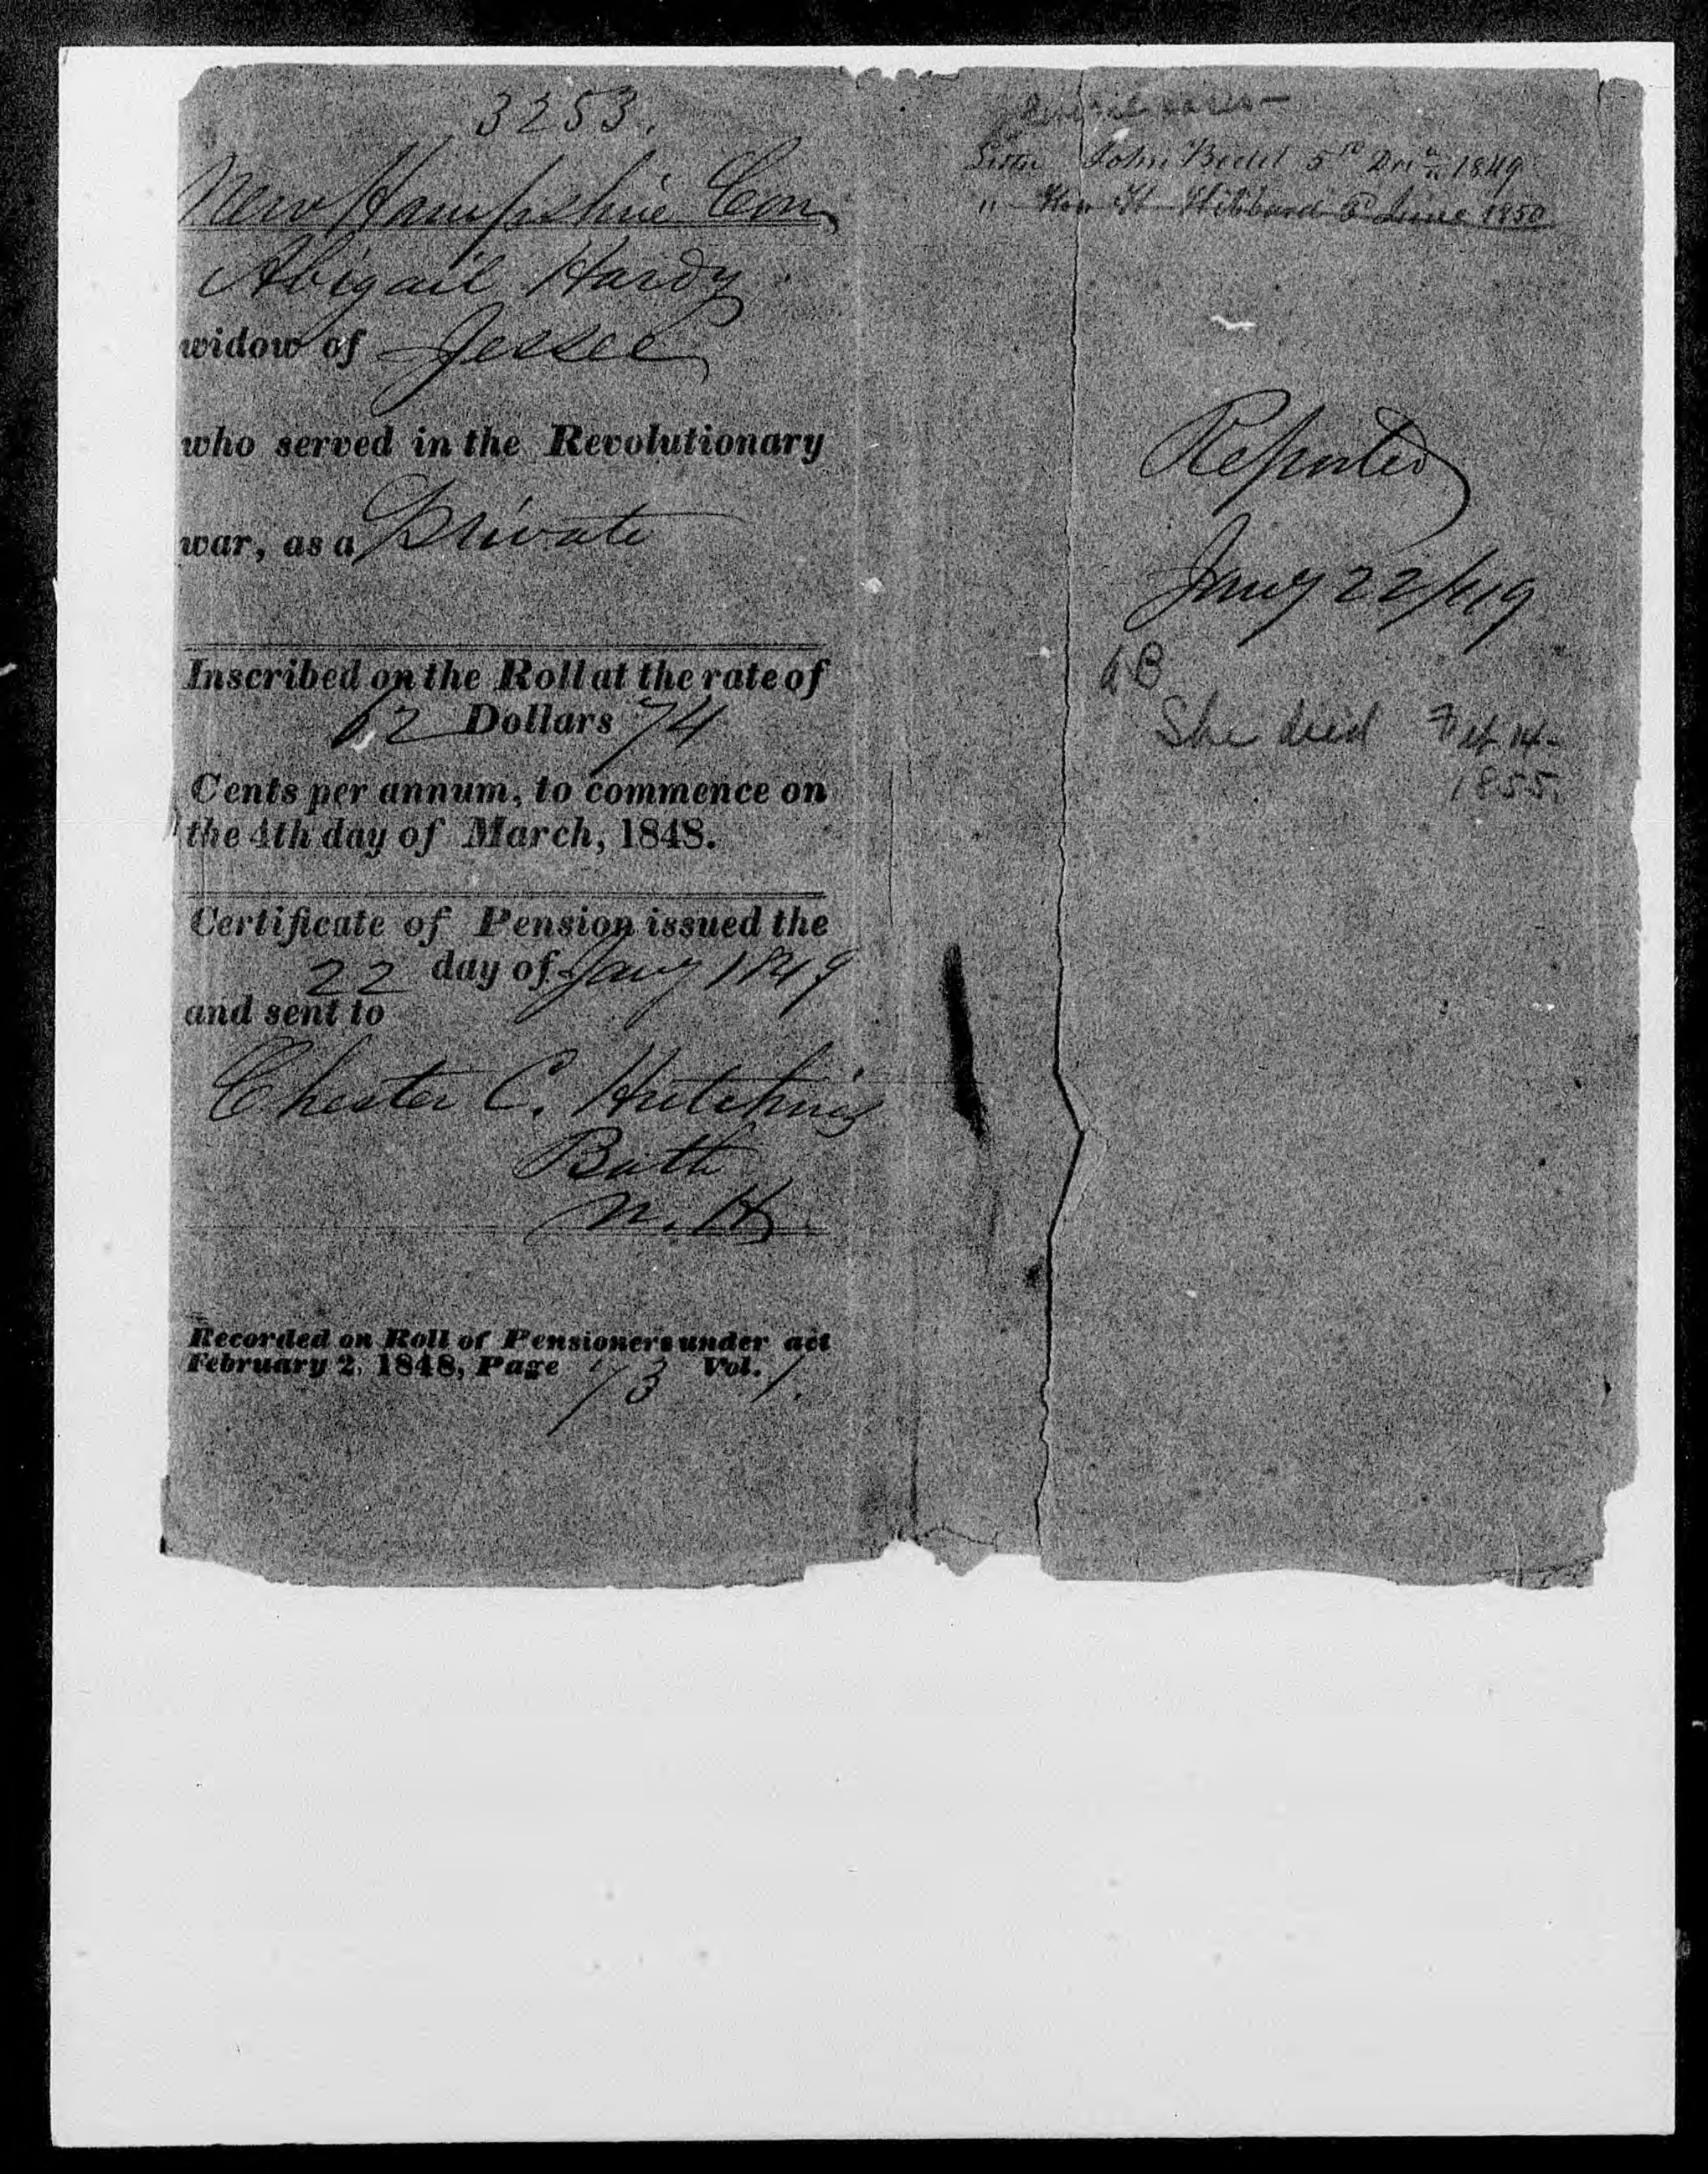3253
New Hampshire 
Abigale Hardy 
widow of Jesse who served in the Revolutionary War, as a Private 
Inscribed on the Roll at the Rate of 62 Dollars 74 Cents per annum, to commence on the 4th day of March. 1848.
Certificate of Pension issued the 22 day of July 1849 and sent to Chester C. Hutchins Bath N.H.
Recorded on Roll of Pensioners under act February 2, 1849 Page 13 Vol. 1 
Letter John Bedel 5 1849
Hon. H. Hibbard 1850
Reprinted July 22
Ab She died Feb 14-1855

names: John Bedel, Jessee Hardy, Abigail Hardy, H Hibbard, Chester C Hutchins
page: 34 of 67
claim: widow's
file: W. 23183, Jesse Hardy, Mass.